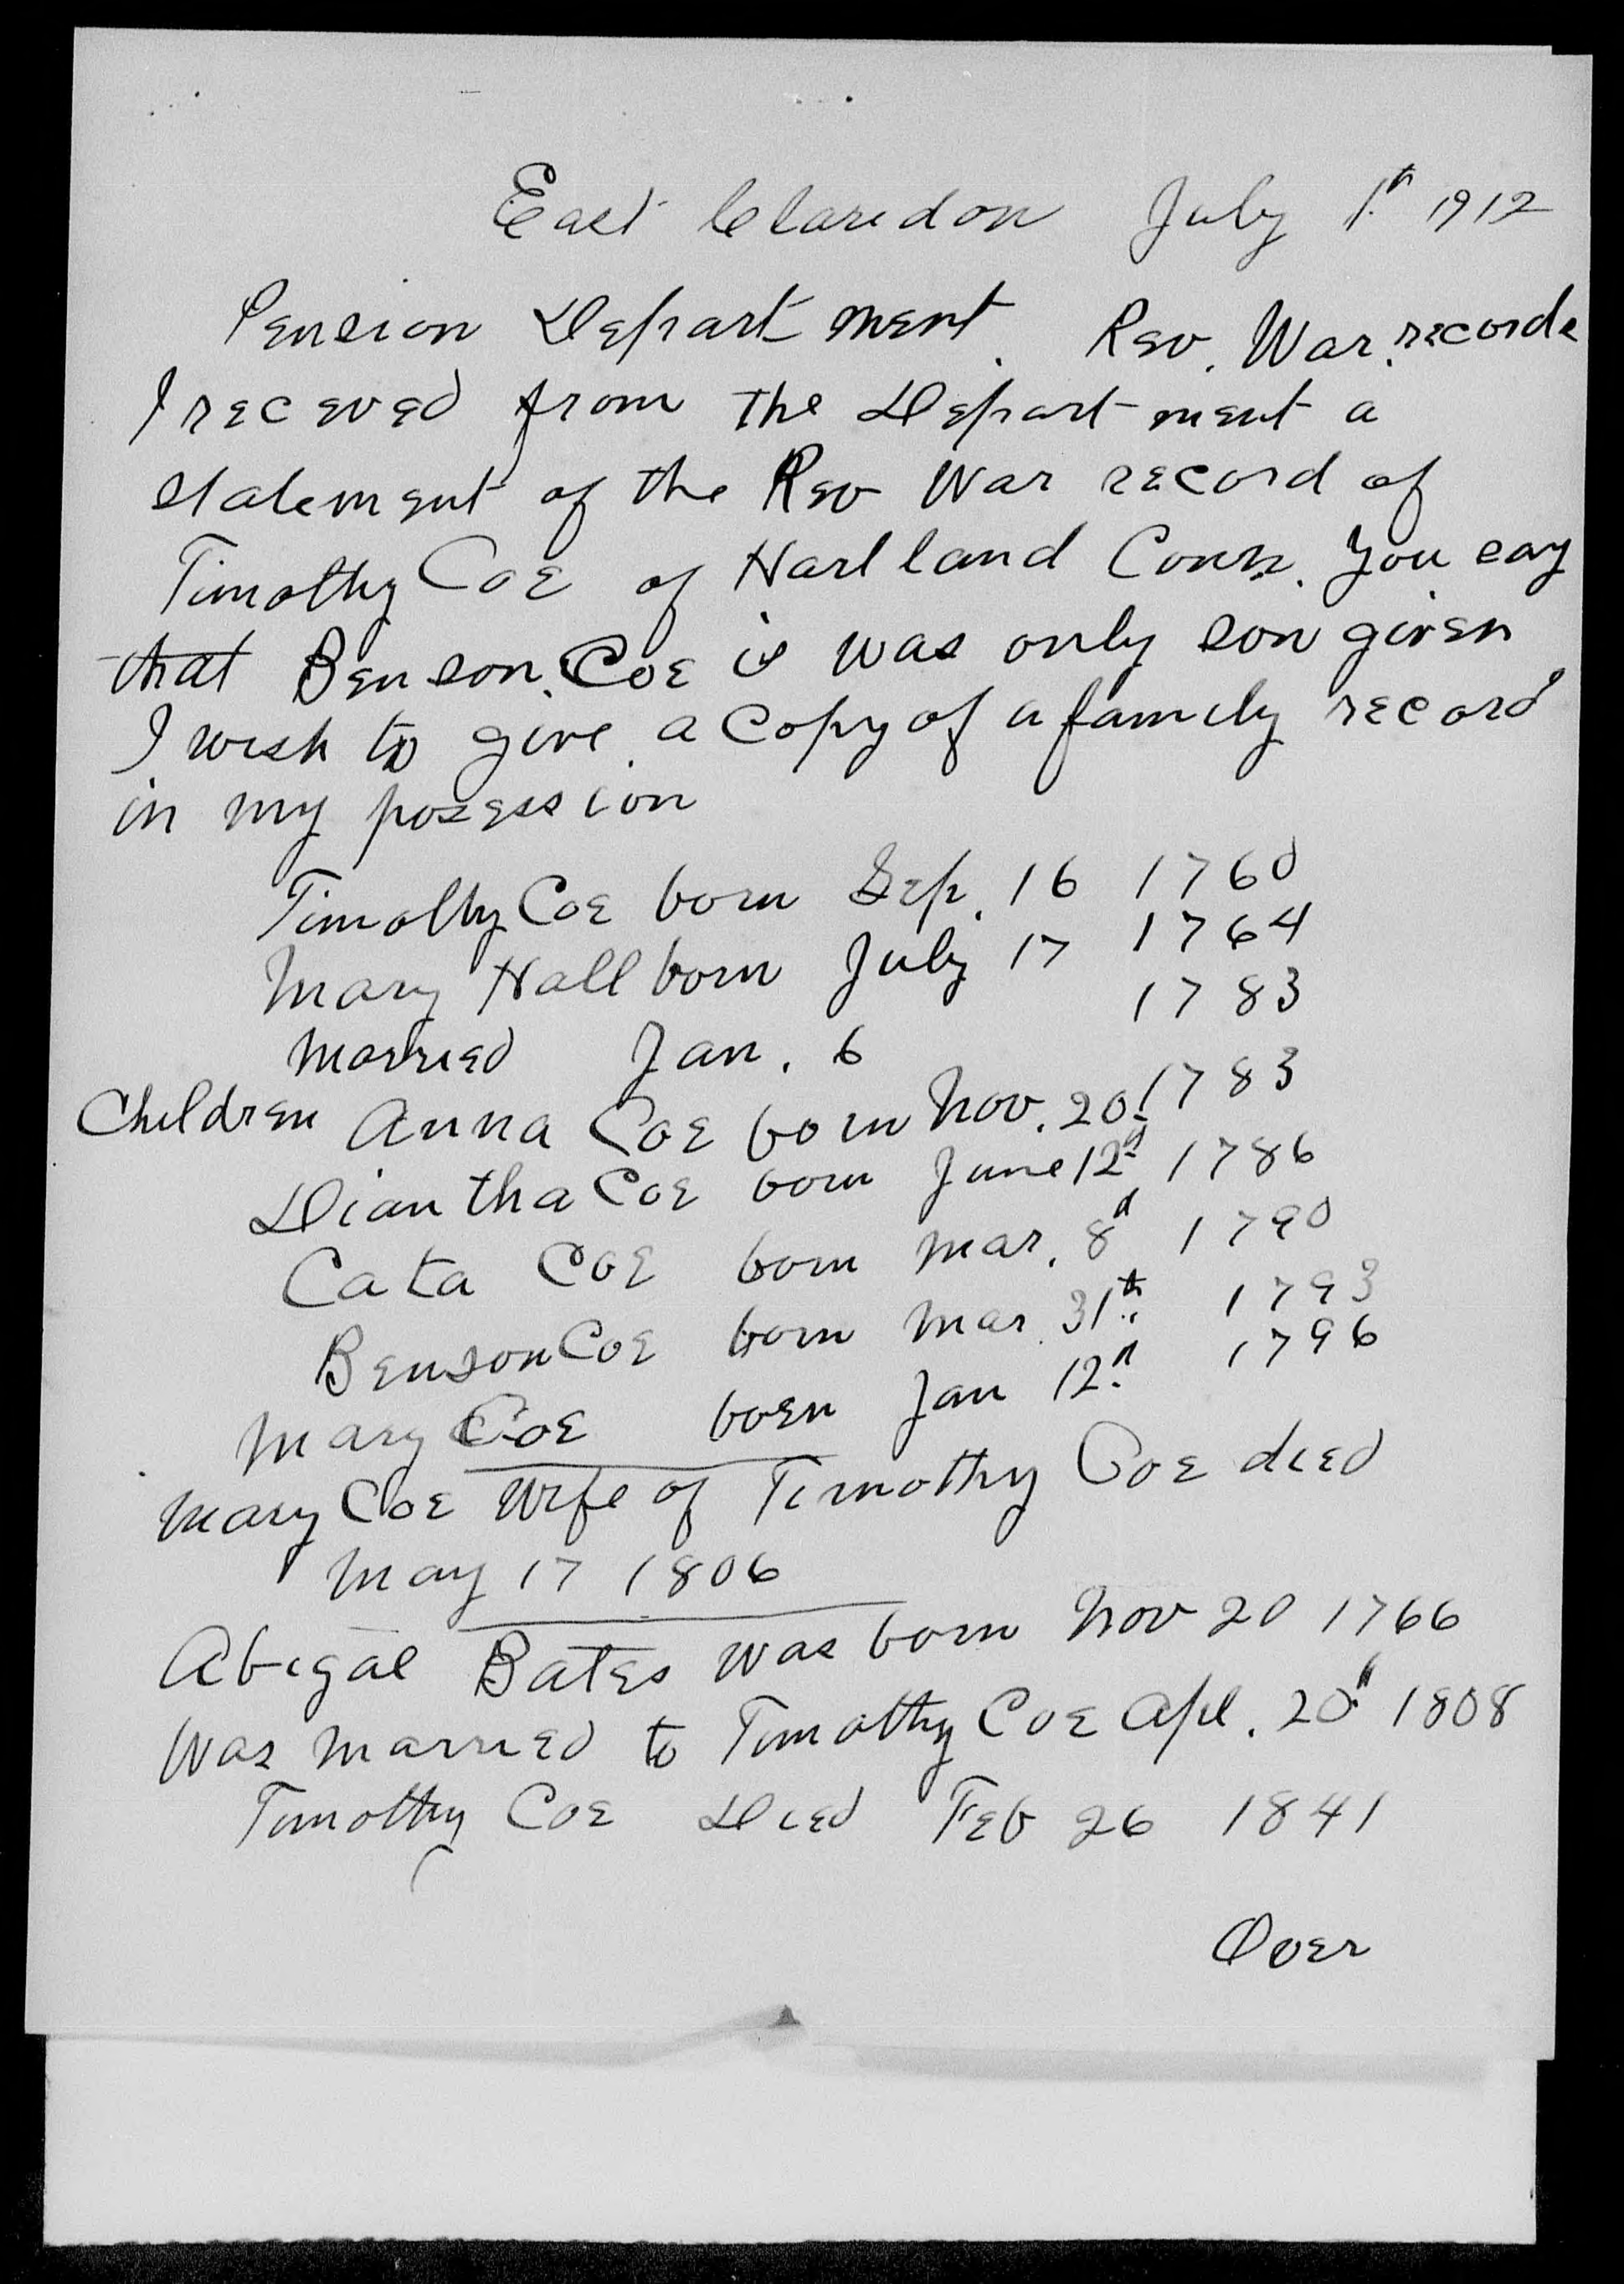East Claridon July 1st 1912
Pension Department Rev. War Records
I received from Department a statement of the Rev War record of Timothy Coe of Hartland Conn.  You say that Benson Coe is was only son given.  I wish to give a copy of a family record in my possession
Timothy Coe born Sep. 16 1760
Mary Hall born July 17 1764
Married Jan 6 1783
Children
Anna Coe born Nov. 20 1783
Diantha Coe born June 12 1786
Cata Coe born Mar. 8th 1790
Benson Coe born Mar. 31 1793
Mary Coe born Jan 12th 1796
Mary Coe wife of Timothy Coe died May 17 1806
Abigail Bateo was born Nov 20 1766 was married to Timothy Coe Apr 20 1808
Timothy Coe died Feb 26 1841
over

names: Timothy Coe, Timothy Coe, Cata Coe, Anna Coe, Mary Hall, Timothy Coe, Benson Coe, Abigal Bates, Mary Coe, Timothy Coe, Mary Coe, Benson Coe, Diantha Coe, Timothy Coe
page: 74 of 76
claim: widow's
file: W. 5,250, Timothy Coe, Conn.